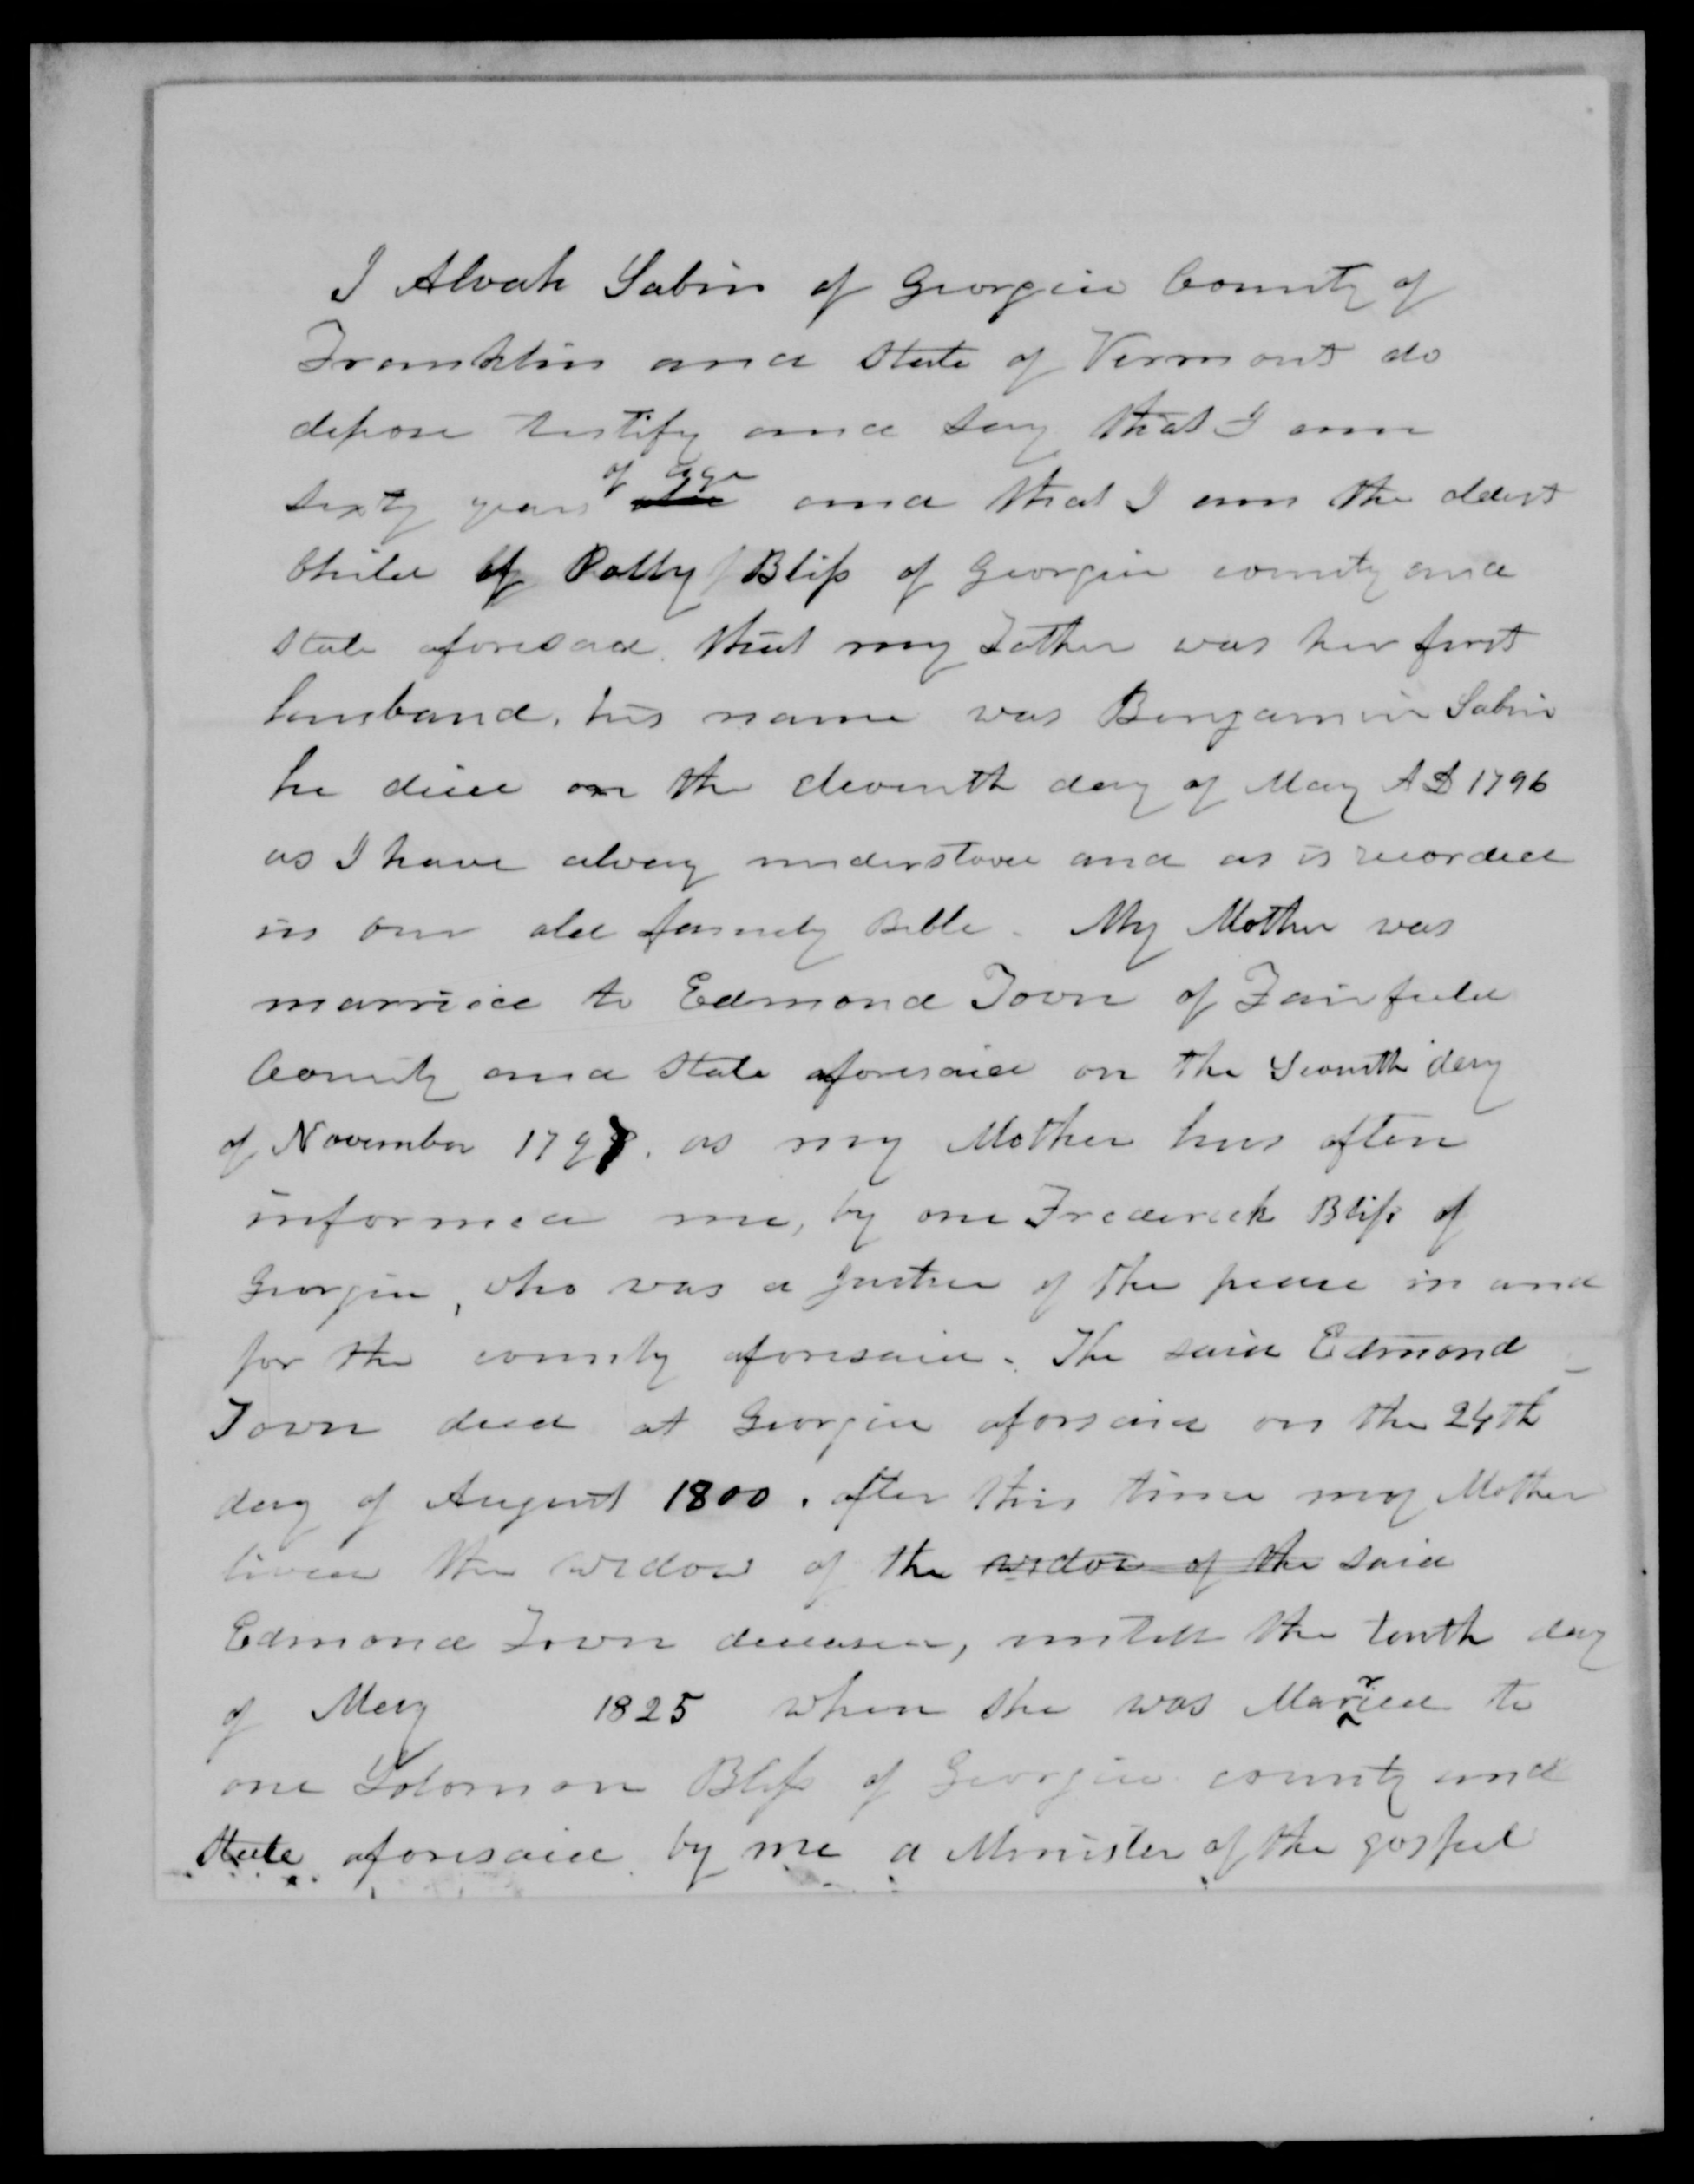I Alvah Sabin of Georgia County of Franklin and State of Vermont do depose testify and say that I am sixty years of age and that I am the eldest child of Polly Bliss of Georgia county and state aforesaid. That my Father was her first husband, his name was Benjamin Sabin, he died on the eleventh day of May A.D. 1796, as I have always understood and as is recorded in our old family Bible. My mother was married to Edmond Town of Fairfield County and state aforesaid on the seventh day of November 1797 as my Mother has often informed me, by one Frederick Bliss of (illegible), who was a Justice of the peace in and for the county aforesaid. The said Edmond Town died at Georgia aforesaid on the 24th day of August 1800.  After this time, my Mother lived the widow of the widow of the said Edmond, deceased, untill the tenth day of May 1825 when she was married to Solomon Bliss of Georgia County and State aforesaid by me a Minister of the Gospel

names: Edmond Town, Edmond Town, Solomon Bliss, Frederick Bliss, Edmond Town, Alvah Sabin, Polly Bliss, Benjamin Sabin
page: 10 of 64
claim: widow's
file: W. 5831, Edmund Town, Mass.